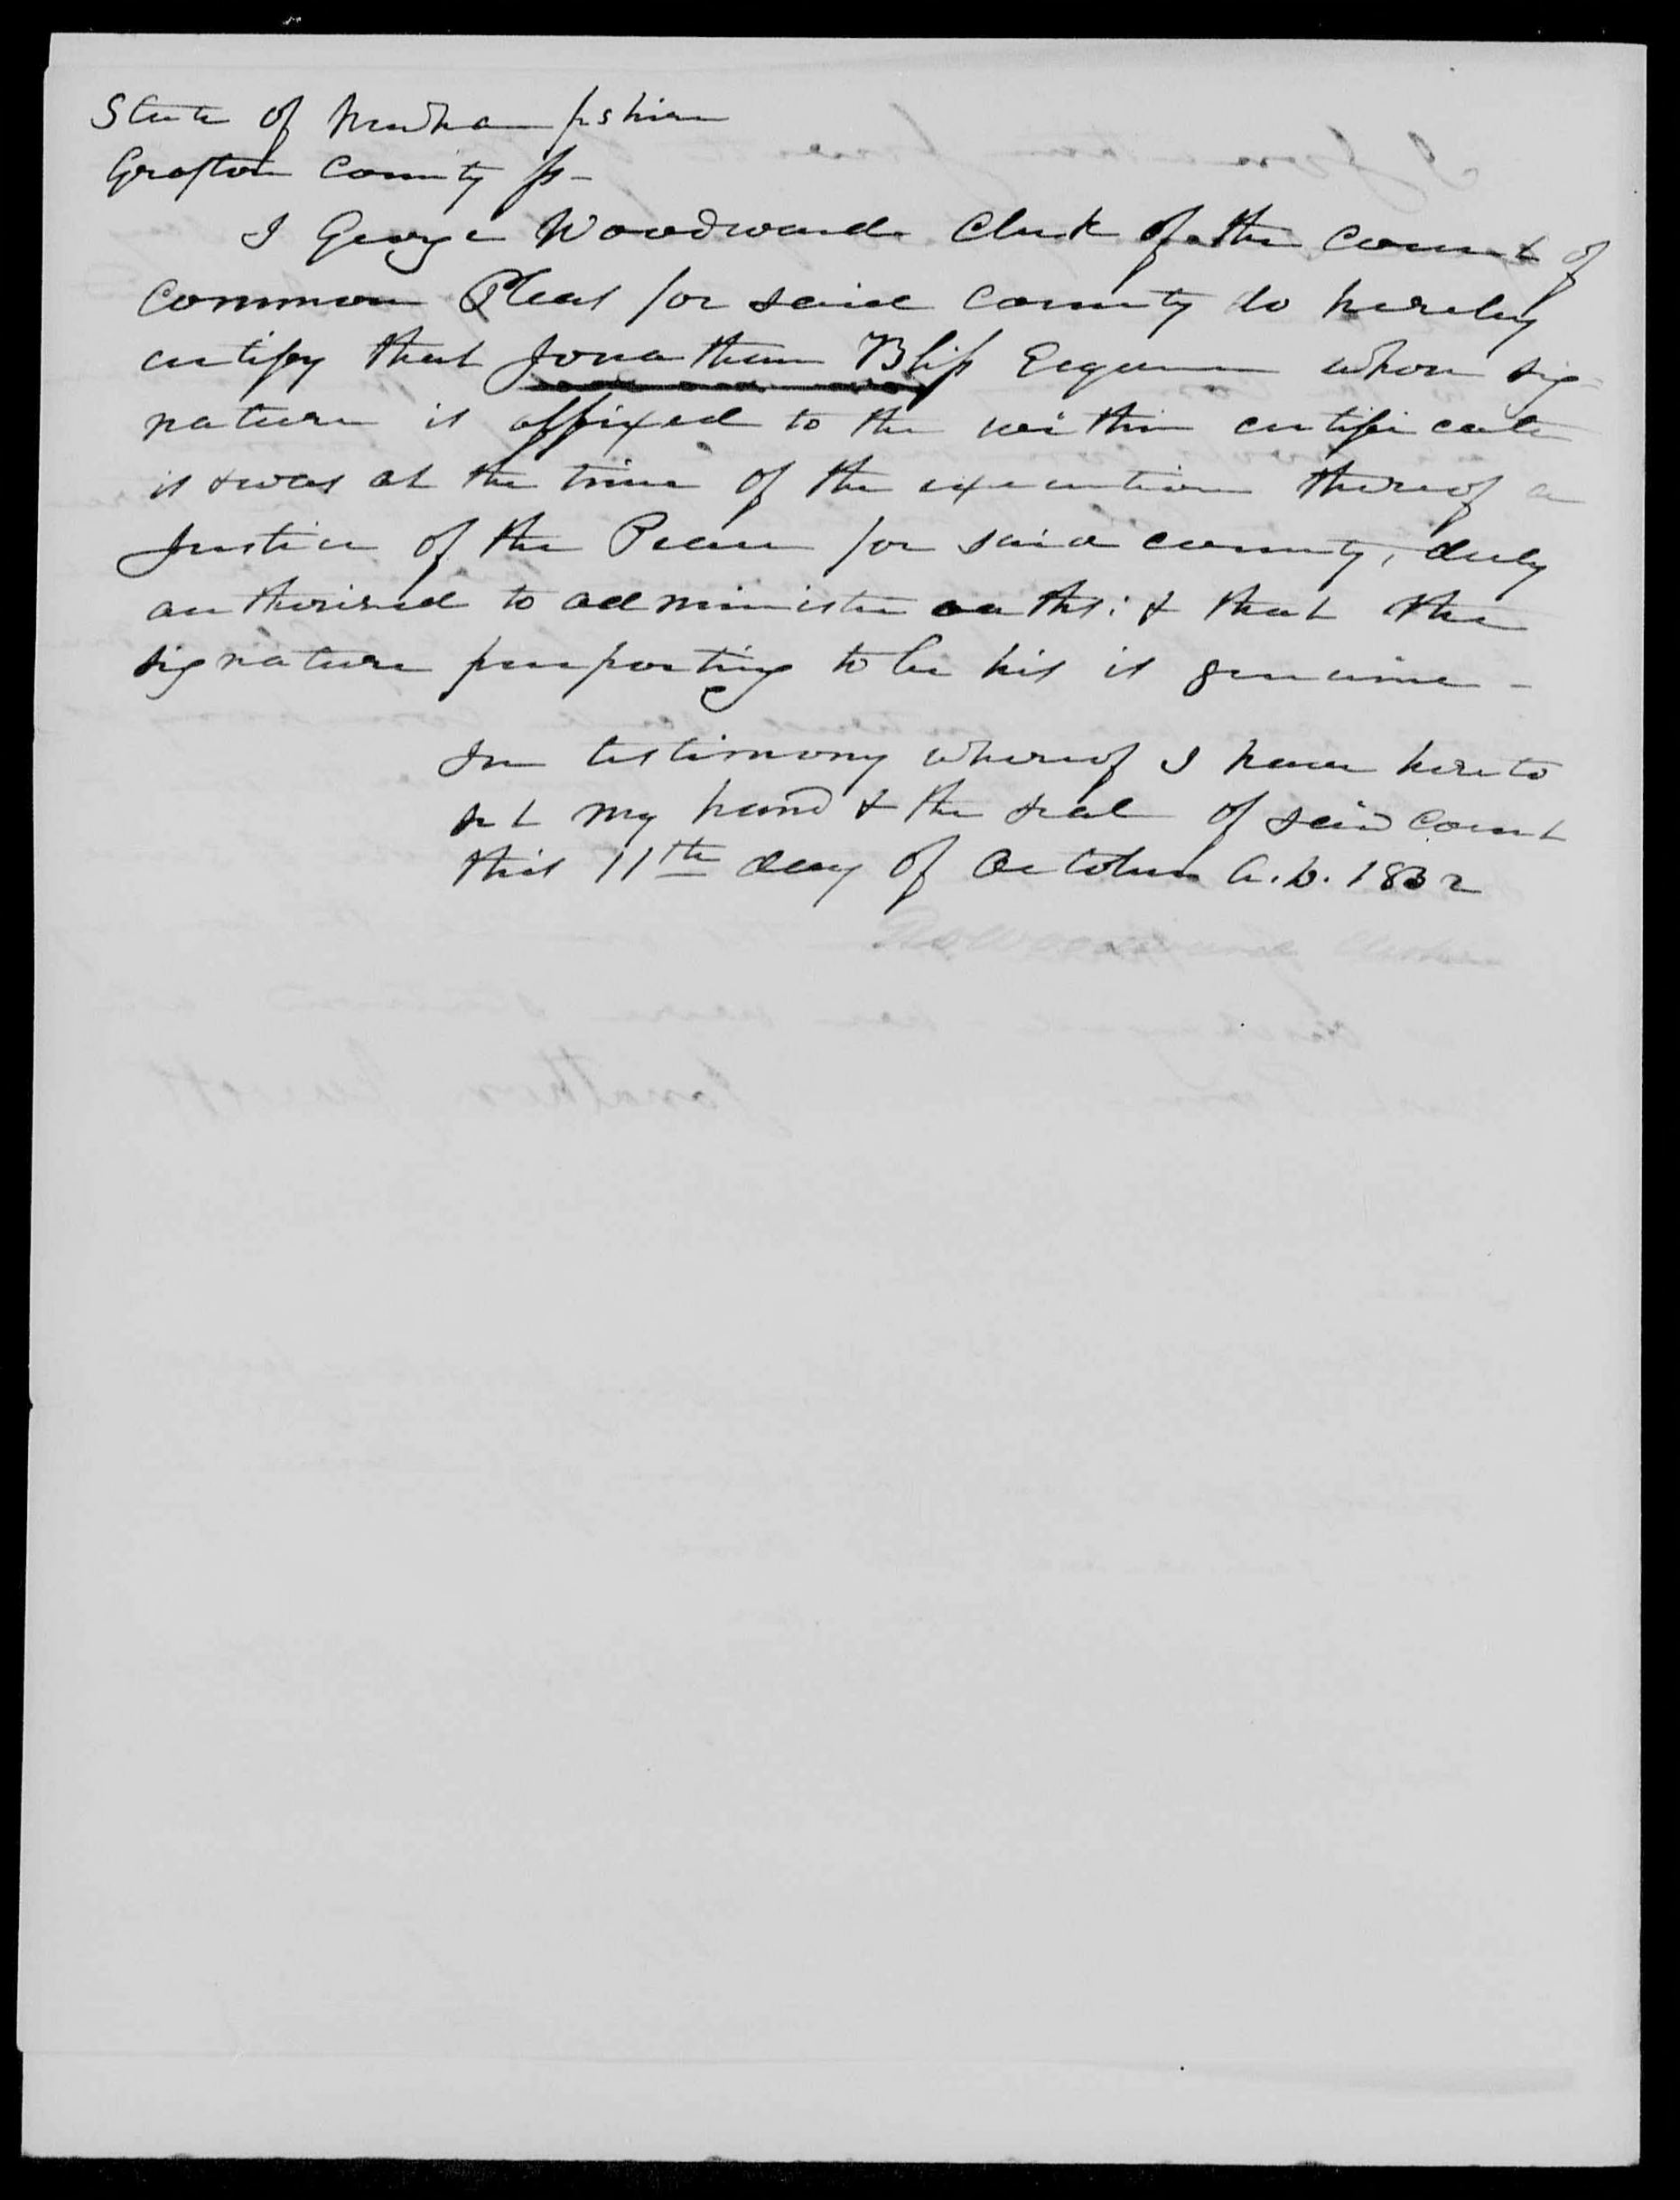State of Newhampshire
Grafton County ss
I George Woodward Clerk of the Court of
Common Pleas for said County do hereby
certify that Jonathan Bliss
Enquire whose signature is
affixed to the within certificate
is & was at the time of the execution thereof a
Justice of the Peace for said County, duly
authorized to administer oaths & that the
signature purporting to be his is genuine
In testimony whereof I have hereto
at my hand
& the seal
of said Court
this 11th day of October A.D. 1832
Geo Woodward Judge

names: George Woodward, Jonathan Bliss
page: 10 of 18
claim: survivor's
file: S. 12,512, Jonathan Clark, Mass. N.H.